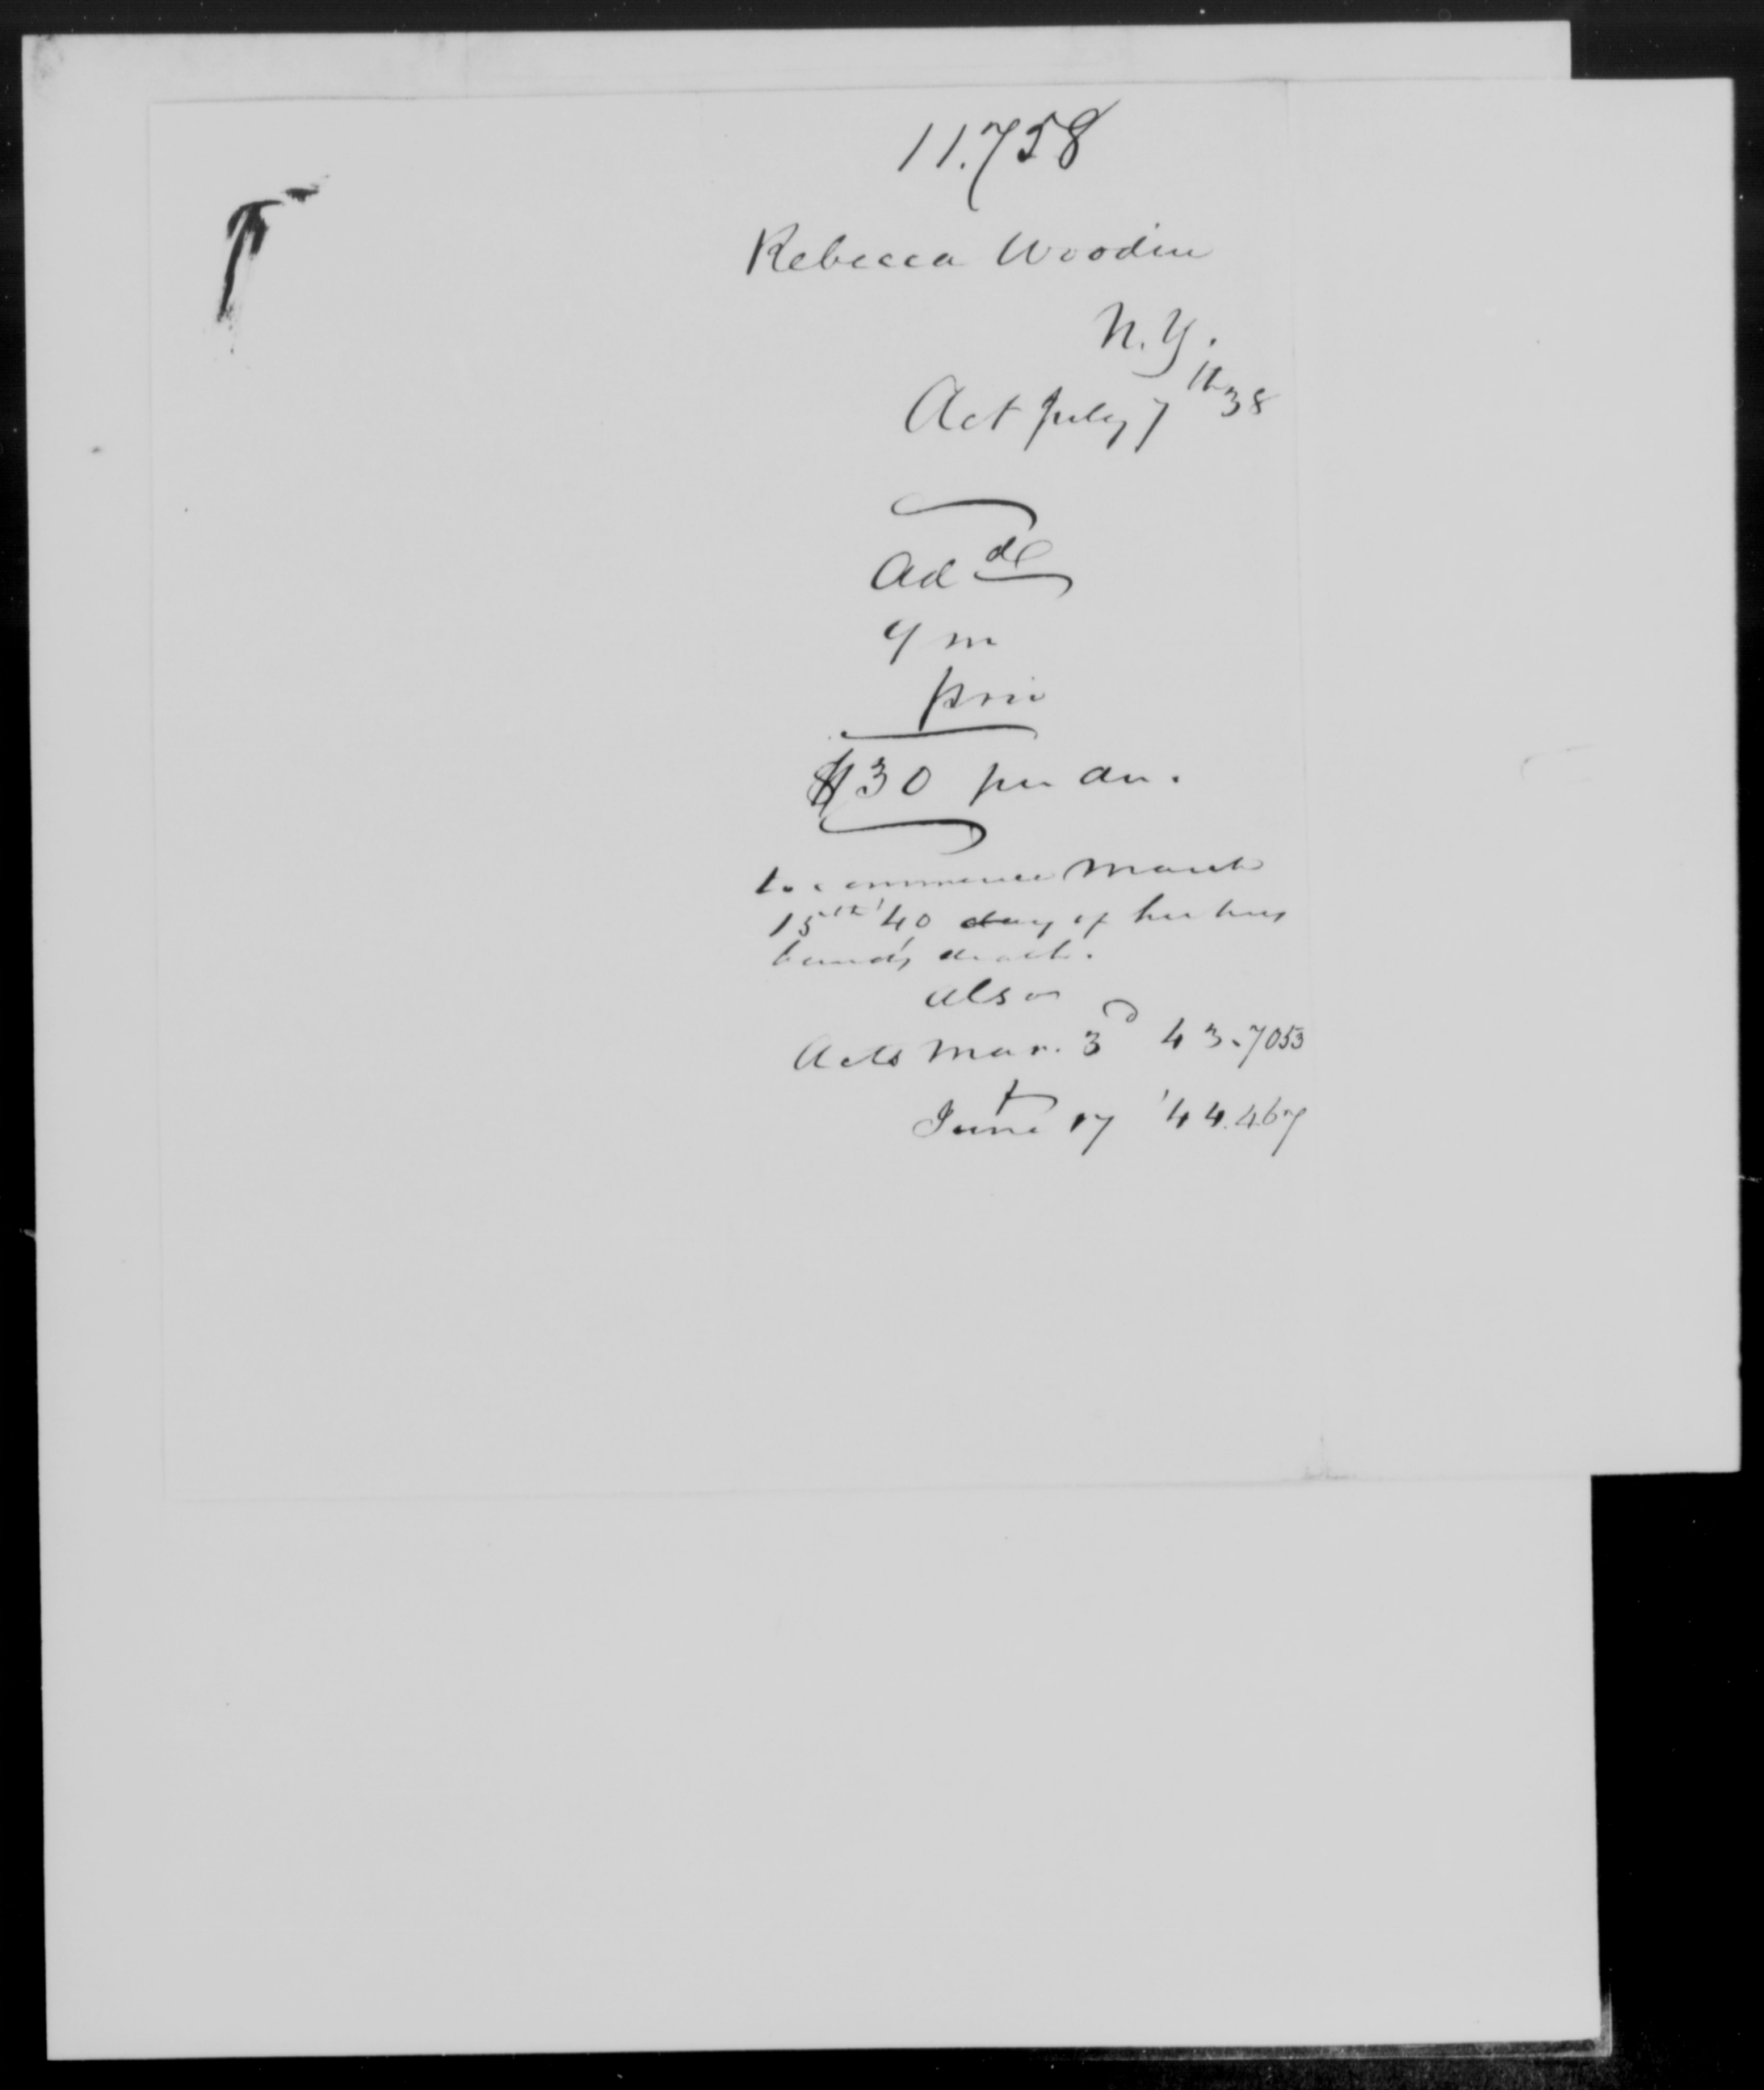11.728
Rebecca Woodin
N. Y.
Act July 7th 38
addl
9 m
pri
$30 per an.
to commence March
15th 40 day of her husbands death
also
Act Mar 3d 43.7053
&
June 17 '44. 467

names: Rebecca Woodin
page: 57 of 77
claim: widow's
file: W. 19658, John Woodin, New York